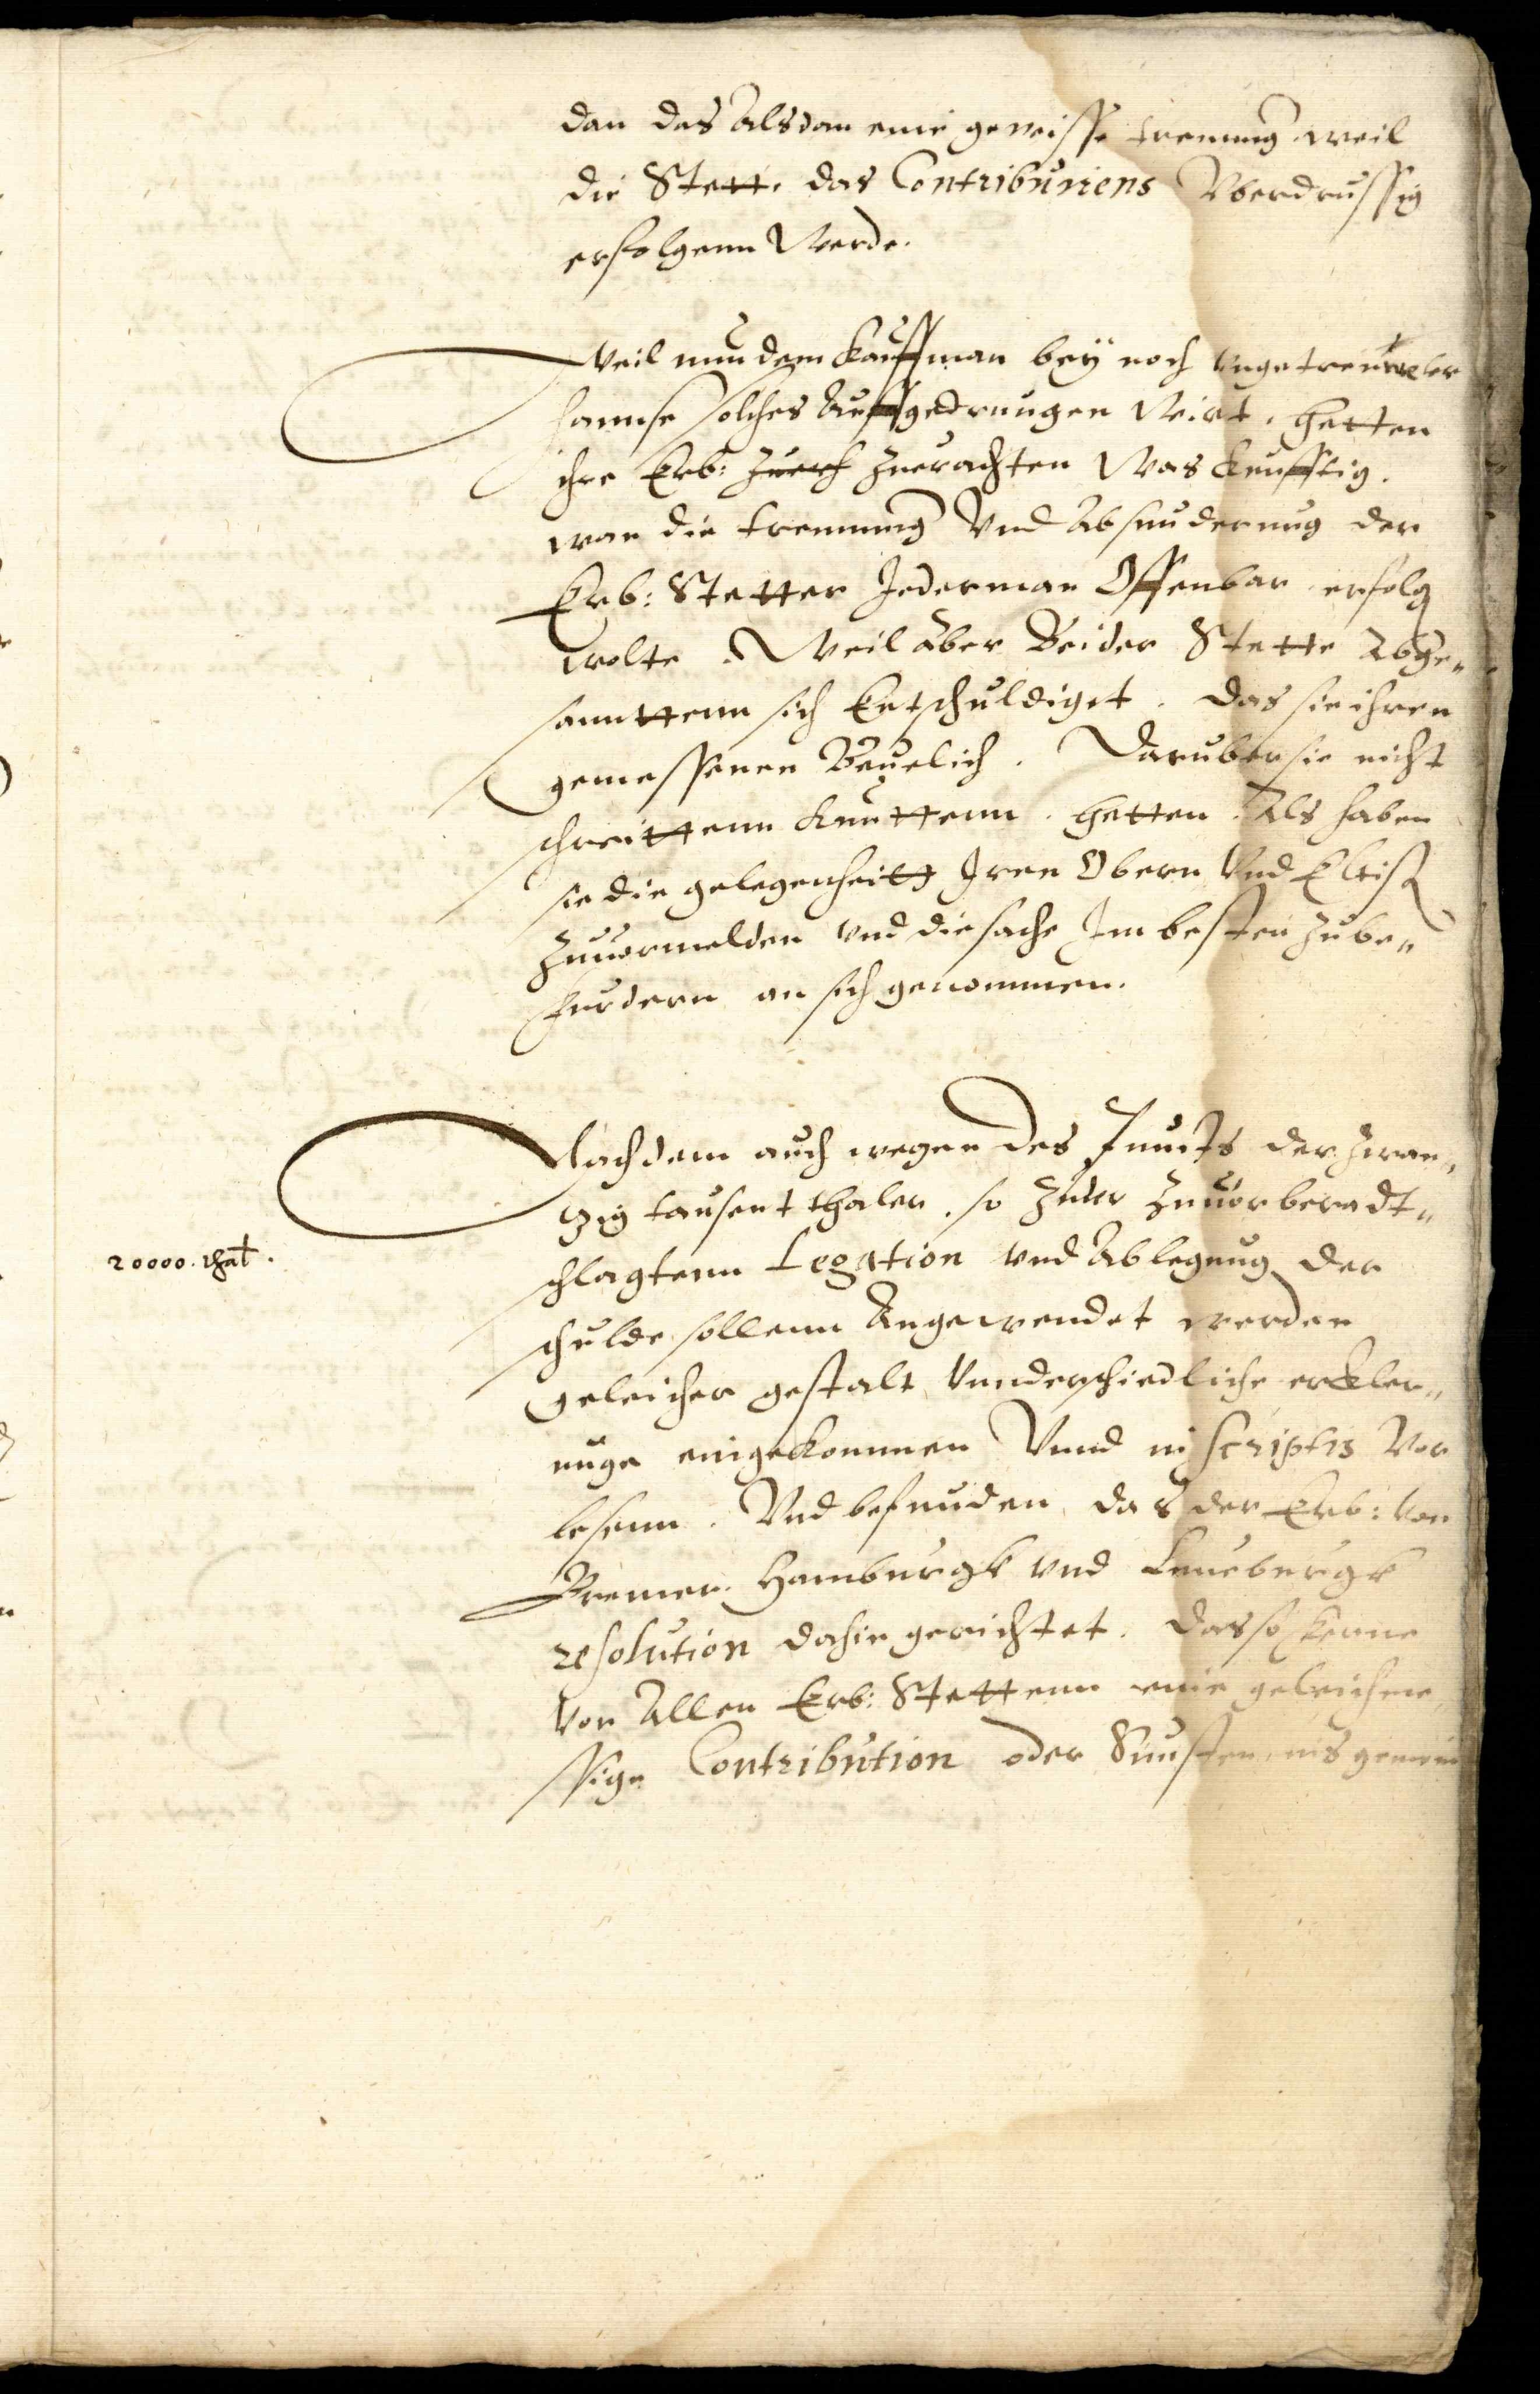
dan das Alsdan eine gewisse trennung weil
die Stette das Contribuirens Vberdrussig
erfolgenn werde.
Weil nun dem Kauffman beij noch vngetreuweter
hannse solches Auffgedrungen Wirt, Hetten
ihre Erb: zurch zuerachten Was kunfftig,
wan die trennung Vnd Absunderung der
Erb: Stetter Jederman Offenbar erfolgen
wolte, Weil Aber Beider Stette Abge¬
sannttenn sich Entschuldiget, das sie ihren
gemessenen Beuelich, Daruber sie nicht
schreittenn Kunntenn, Hetten, Als haben
sie die gelegenheitt Iren Obern Vnd Eltisten
zuuormelden vnd die sache Im besten zu be¬
furdern an sich genommen.
20000 thaler.
Nachdem auch wegen des Puncts der zwan¬
tzig tausent thaler, so zuder zuuor beradt¬
schlagtenn Legation vnd Ablegung der
schulde sollenn Angewendet werden
geleicher gestalt, Vnnderschiedliche erkler¬
unge eingekommen Vnnd in scriptis Vor
lesenn. Vnd befunden, das der Erb: von
Bremen, Hamburgk vnd Luneburgk
resolution dahin gerichtet, das so Ferne
Von Allen Erb: Stettenn eine geleichme¬
ssige Contribution oder Sunsten insgemein
